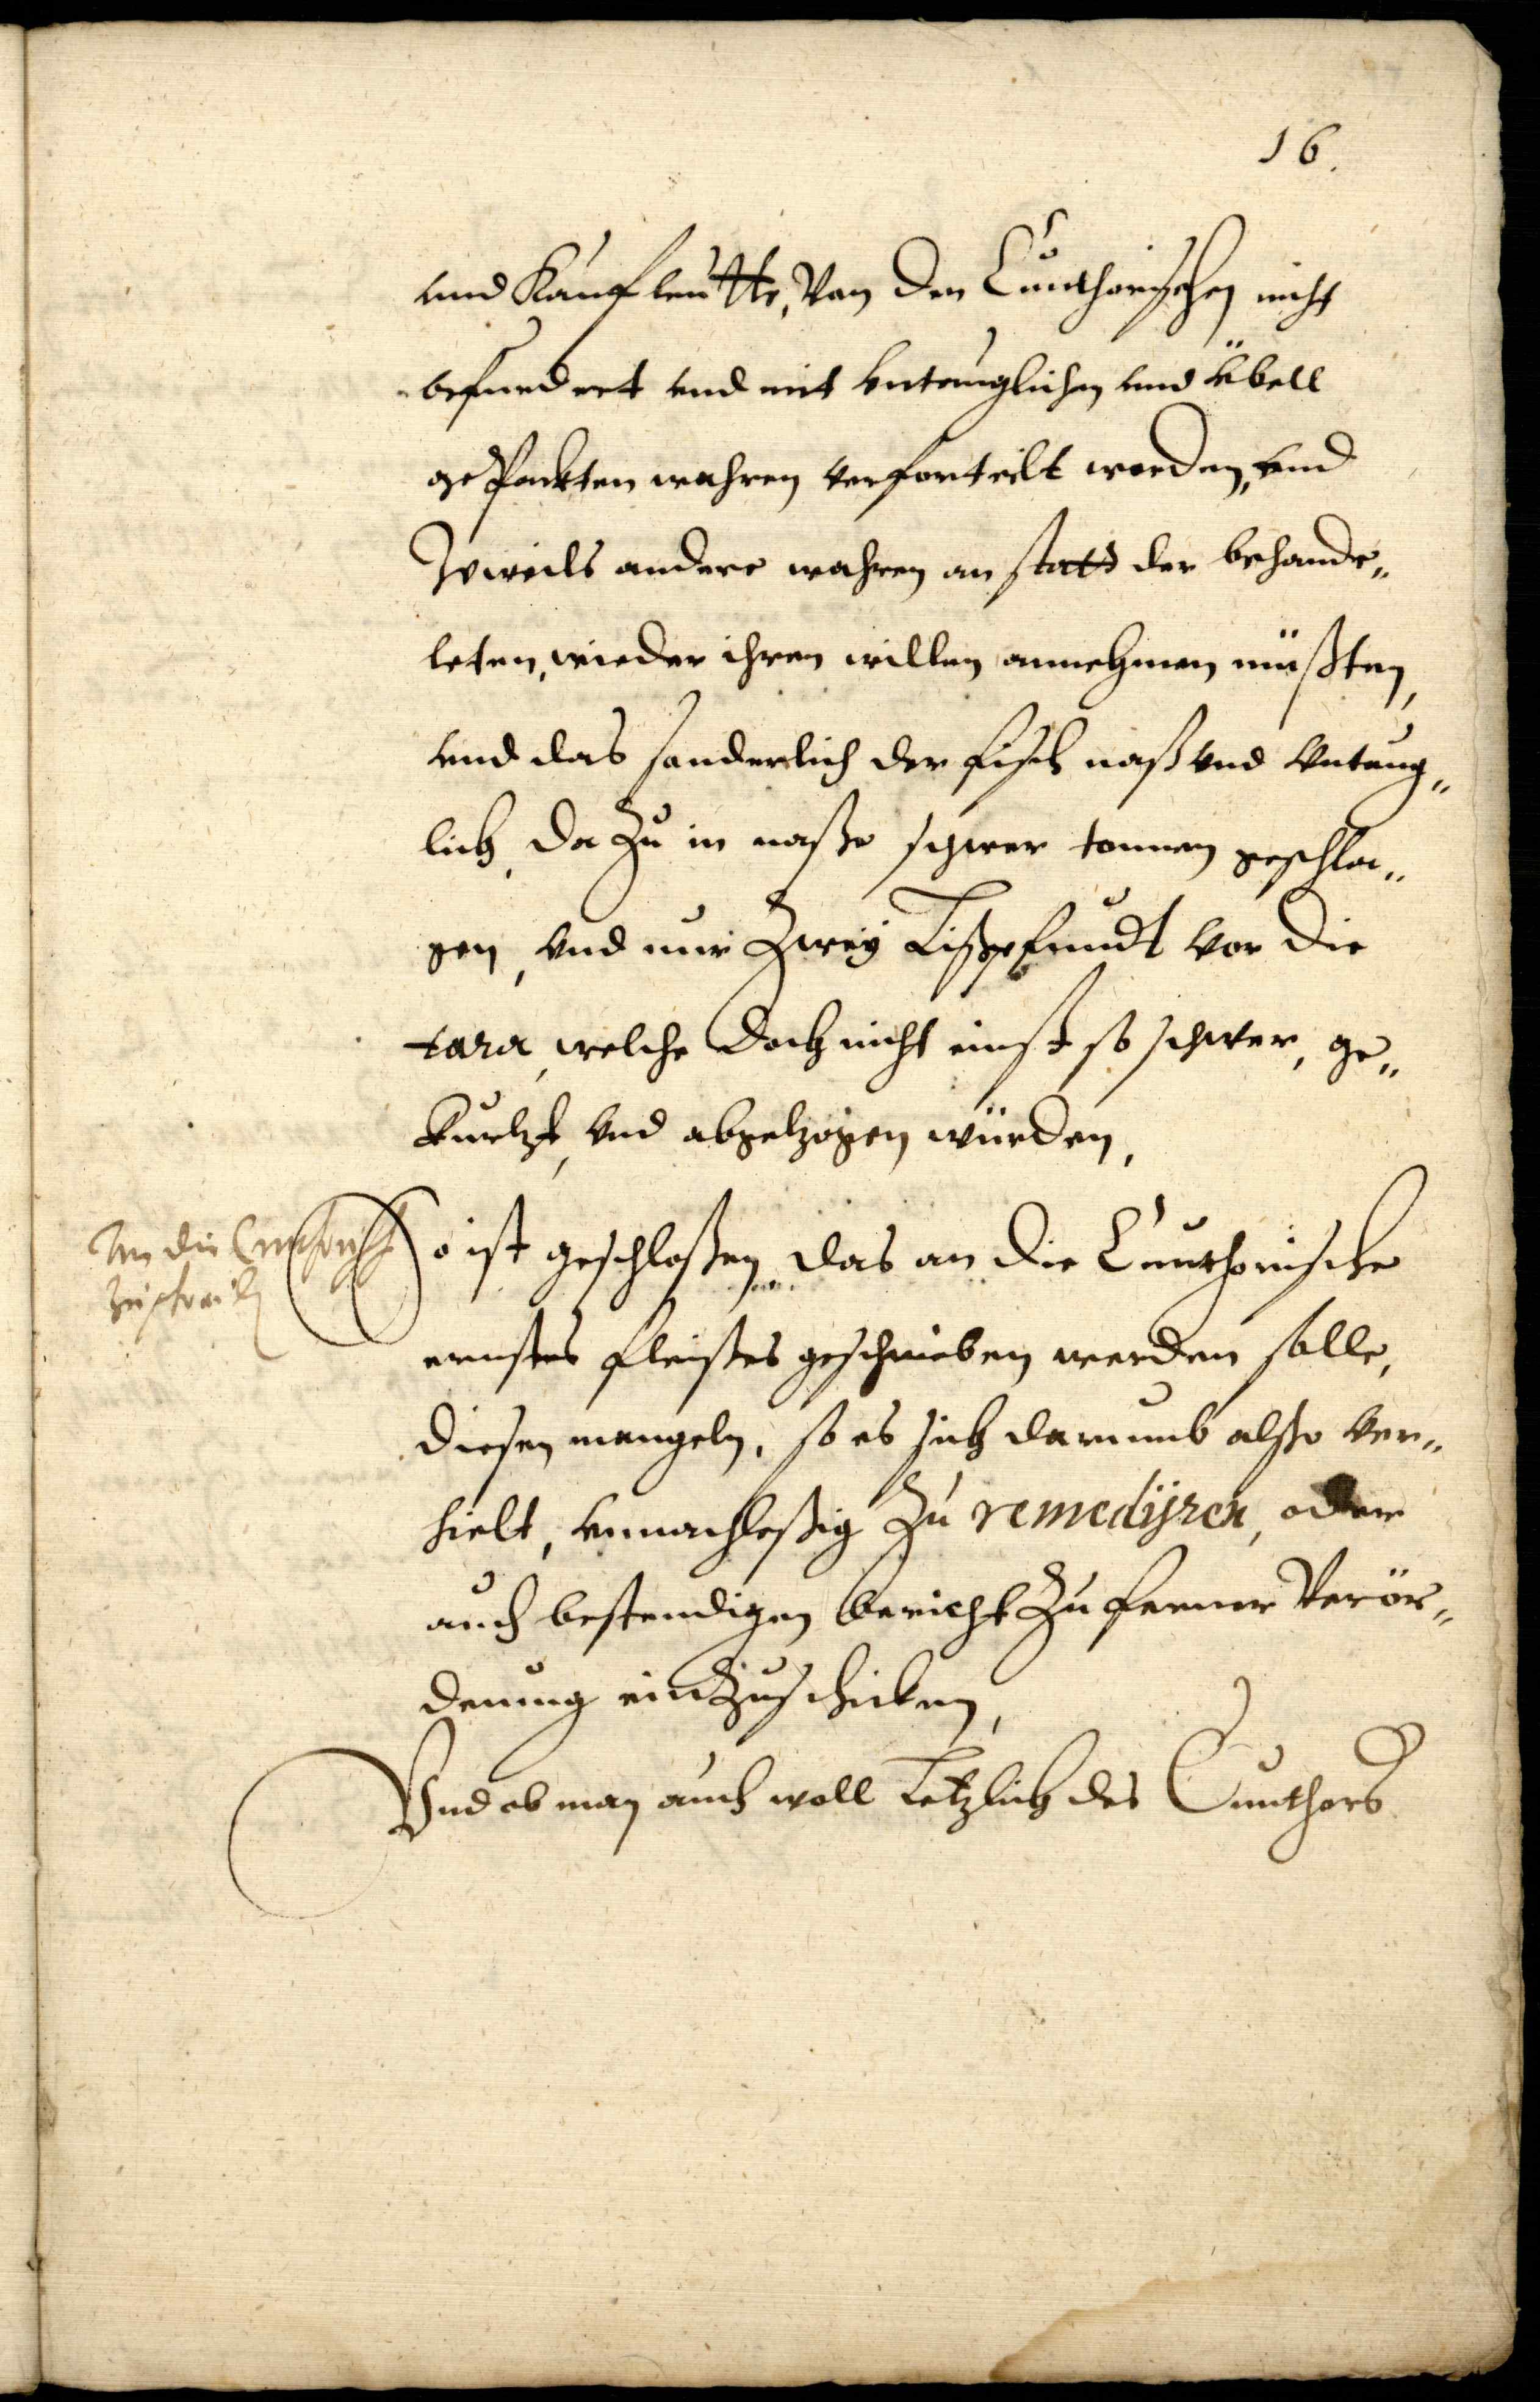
16.
vnd Kaufleutte, Von den Cunthorischen nicht
befurdert vnd mit vntauglichen vnd vbell
gepackten wahren verforteilt worden, vnd
jeweils andere wahren an statt der behande¬
leten, wieder ihren willen annehmen müßten,
vnd das sonderlich der fisch naß vnd vntaug¬
lich, dazu in naße schwer tonnen geschla¬
gen, vnd nur zweij Lißpfundt vor die
tara, welche doch nicht einst so schwer, ge¬
kurtzt, vnd abgetzogen würden,
An die Cuntorish
zu schreiben
So ist geschloßen, das an die Cunthorische
ernstes fleißes geschrieben werden solle,
diesen mangeln, so es sich darumb alßo ver¬
hielt, vnnachleßig zu remedijren, oder
auch bestendigen bericht zu ferner Verör¬
derung einzuschicken,
Vnd ob man auch woll Letzlich des Cunthors
